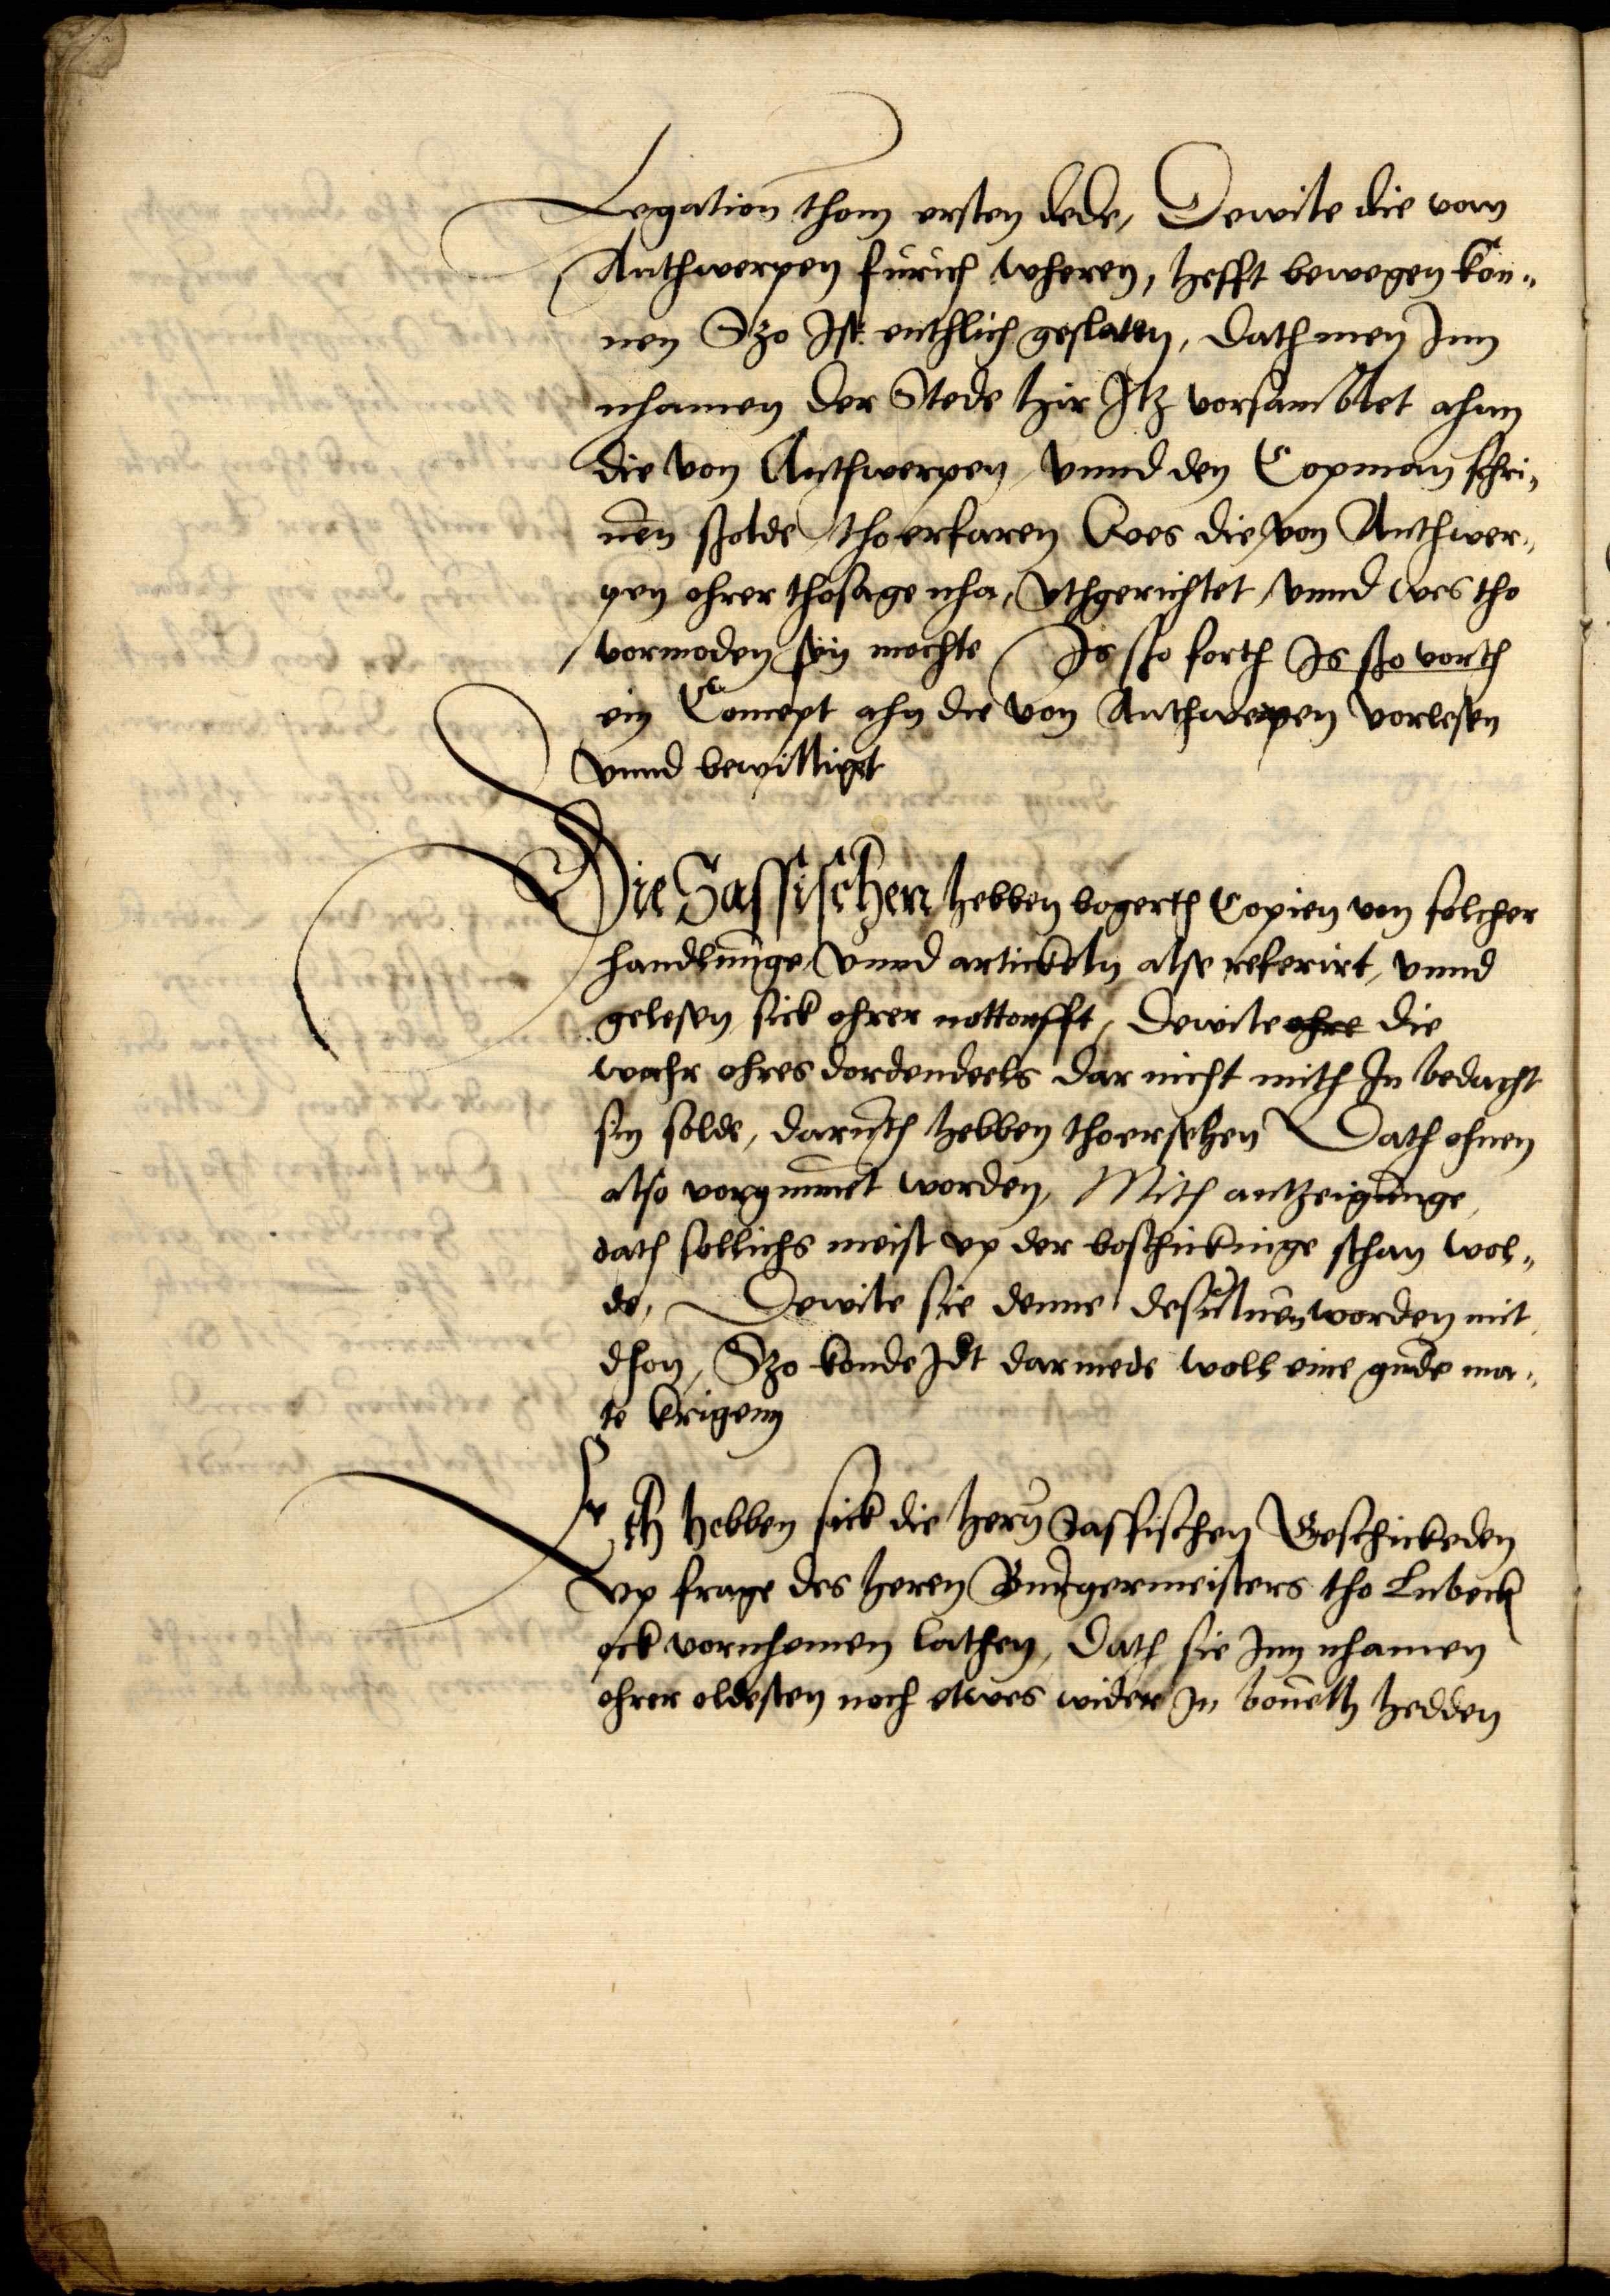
Legation thom ersten dede, Dewile die vom
Anthwerpen furuh wheren, hefft bewegen kon¬
nen Szo Ist enthlich geslaten, dath men Inn
nhamen der Stede hir Itz vorsamblet ahnn
die von Anthwerpen vnnd den Copman schri¬
uen ßolde tho erfaren Wes die von Anthwer¬
pen ohrer thosage nha vthgerichtet vnnd wes tho
vormoden sijn mochte Is ßo forth Is ßo vorth
ein Concept ahn die von Anthwerpen vorlesen
vnnd bewilligtet
Die Sassischen hebben begerth Copien von solcher
handlunge vnnd artickeln alse referirt, vnnd
gelesen sick ohrer nottorfft, dewile ohre die
wahr ohres dordendeels dar nicht mith In bedacht
sin solde, daruth hebben thoersehen Dath ohnen
also vorgunnet worden, Mith antzeigunge,
dath sollichs meist vp der beschickinge sthan wol¬
de, Dewile sie denne desuluen worden mit
dhon, Szo konde Idt dar mede woll eine gude ma¬
te krigenn
Eth hebben sick die hern Sassischen Geschickeden
vp frage des heren Burgermeisters tho Lubeck
ock vornhemen lathen, dath sie Inn nhamen
ohrer oldesten noch etwas wider In beuelh hedden
